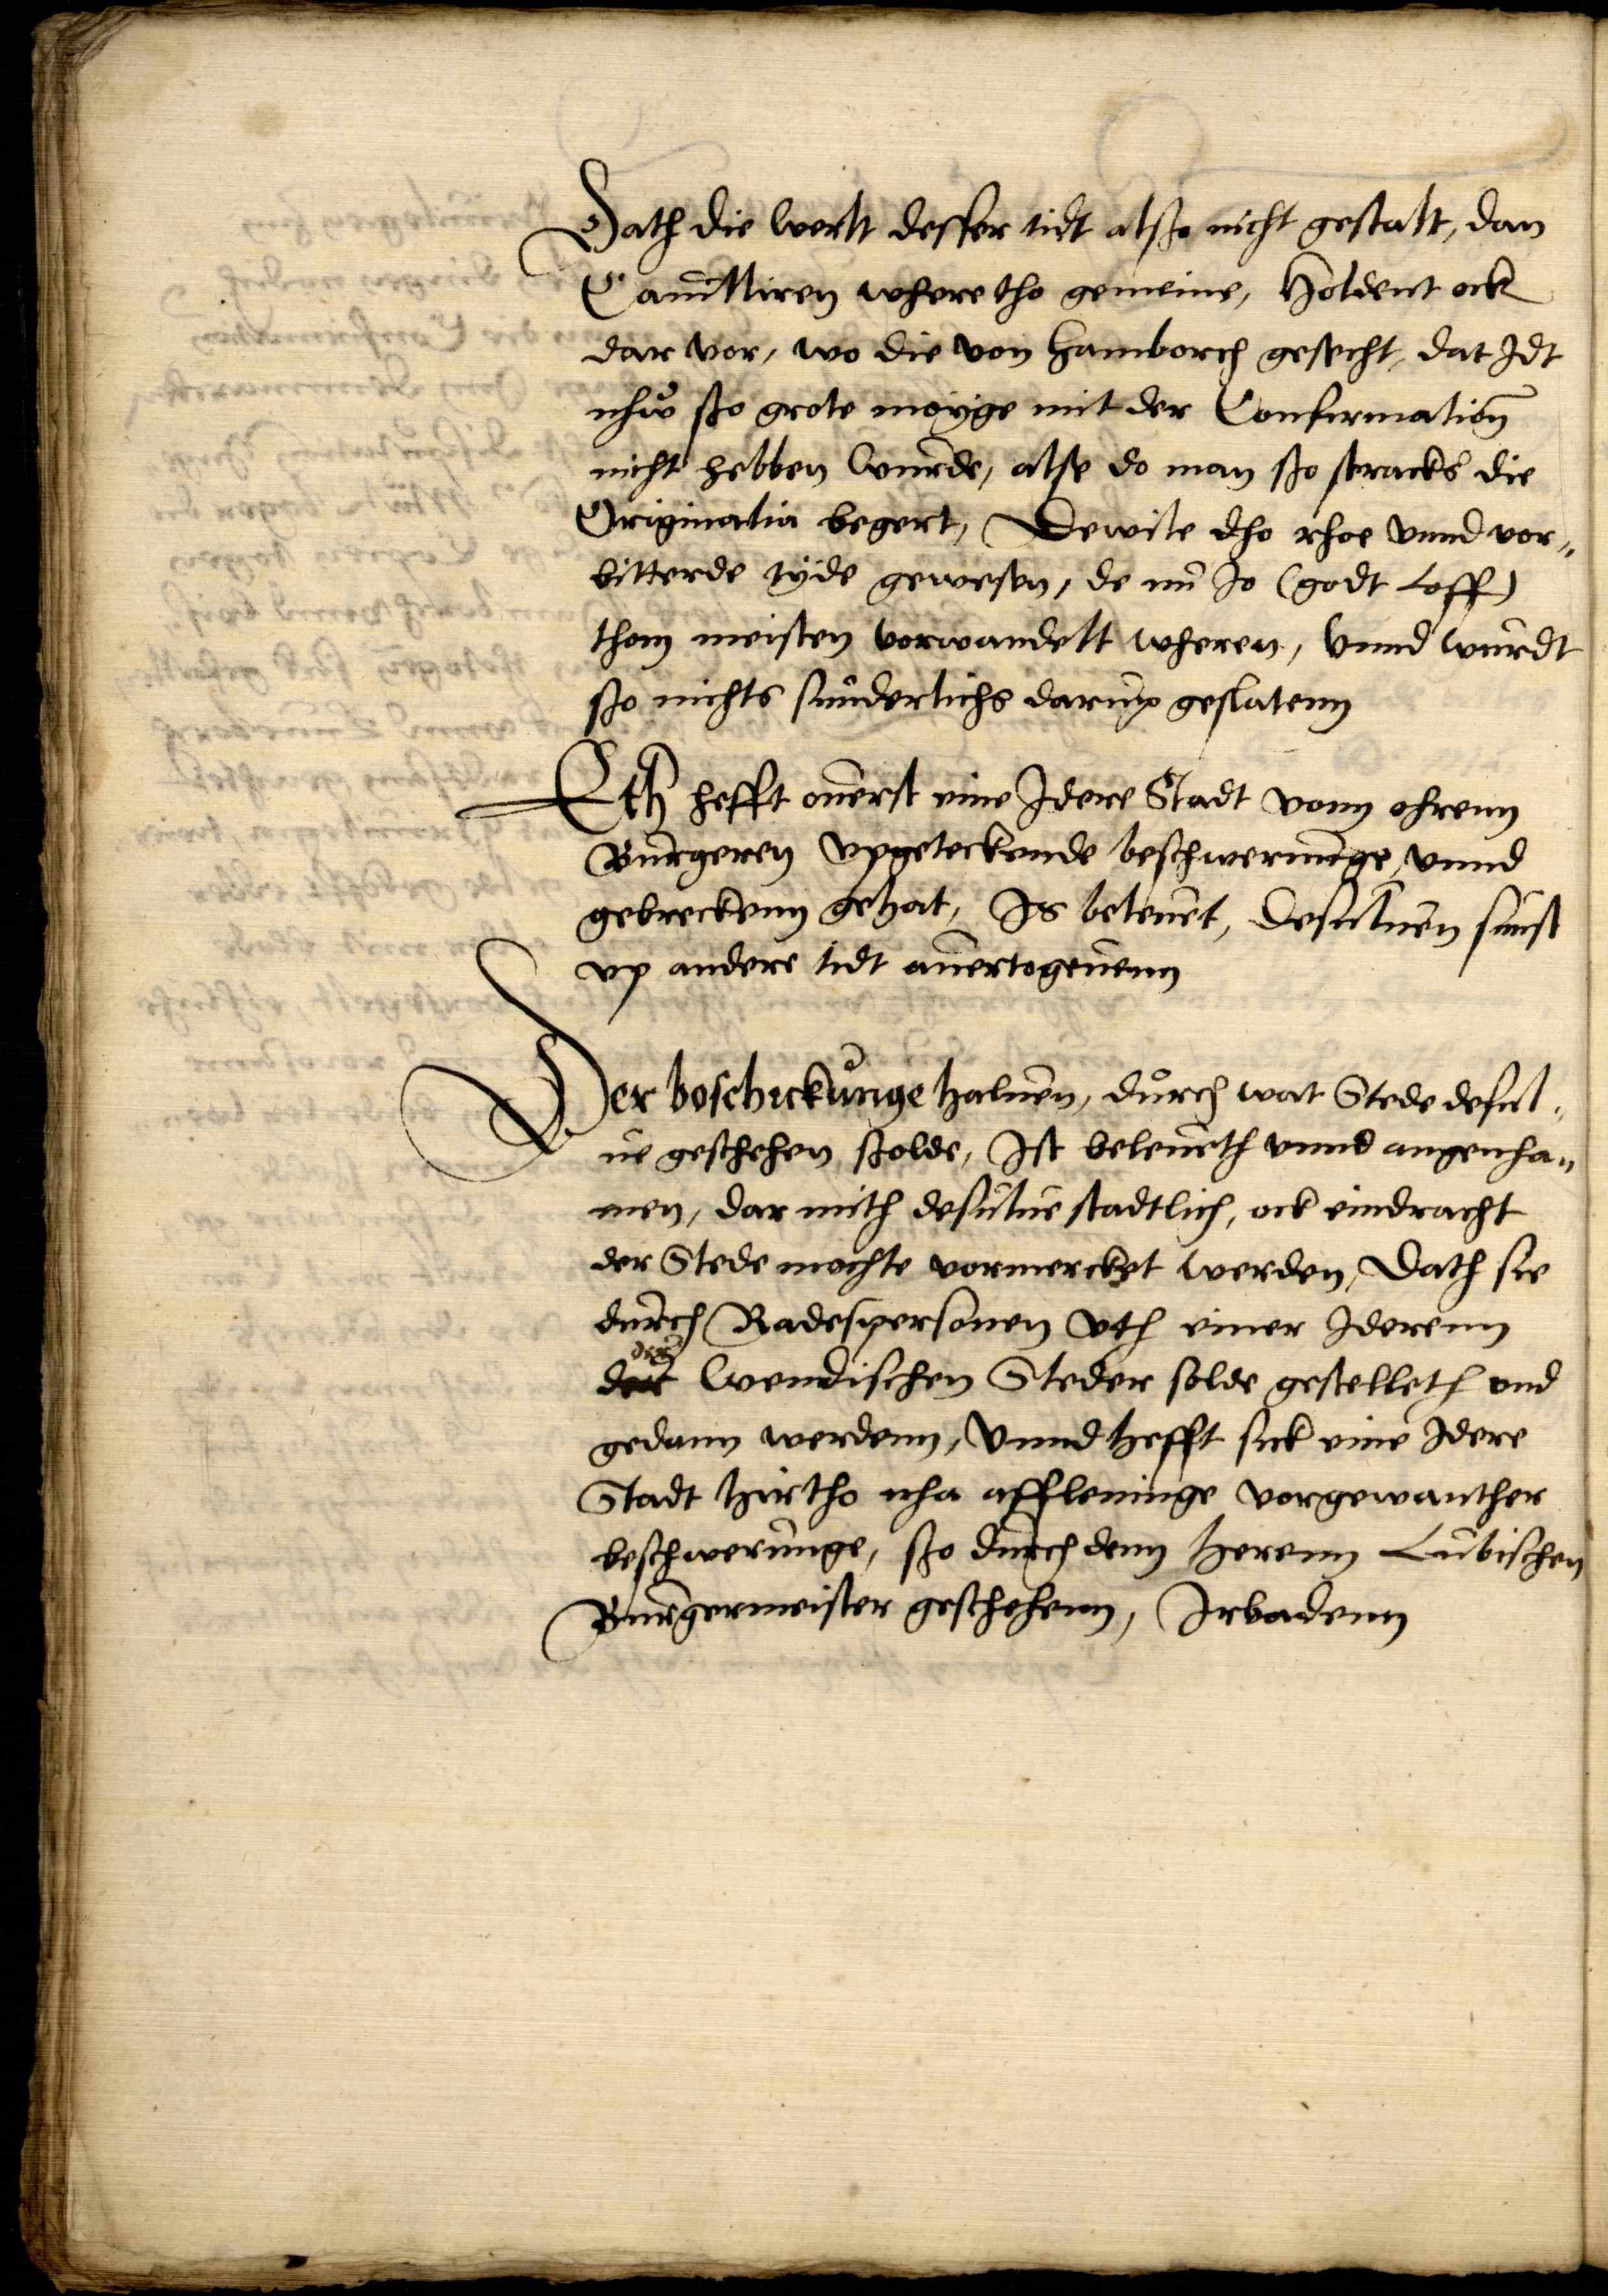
Dath die werlt desser tidt also nicht gestalt, dan
Cauilliren where tho gemeine, holdent ock
dar vor, wo die von Hamborch gesecht, dat Idt
nhw szo grote moijge mit der Confirmation
nicht hebben wurde, alse do man ßo stracks die
Originalia begert, dewile dho rhoe vnnd vor¬
bitterde tijde gewesen, de nu Io (godt loff)
thom meisten vorwandelt wheren, vnnd wurdt
ßo nichts sunderlichs darup geslaten
Eth hefft ouerst eine Idere Stadt vonn ohrenn
Burgeren vpgeteckende beschwerunge, vnnd
gebreckenn gehat, Is beleuet, desuluen sunst
vp andere tidt auertogeuenn
Der boschickunge haluen, durch wat Stede desul¬
ue geschehen szolde, Ist beleueth vnnd angenha¬
men, dar mith desulue stadtlich, ock eindracht
der Stede mochte vormercket werden, dath sie
durch Radespersonen vth einer Iderenn
der
der wendischen Steder solde gestelleth vnd
gedann werdenn, vnnd hefft seck eine Idere
Stadt hirtho nha affleninge vorgewanther
beschwrunge, ßo durch denn herenn Lubischen
Burgermeister geschehen, Irbadenn
